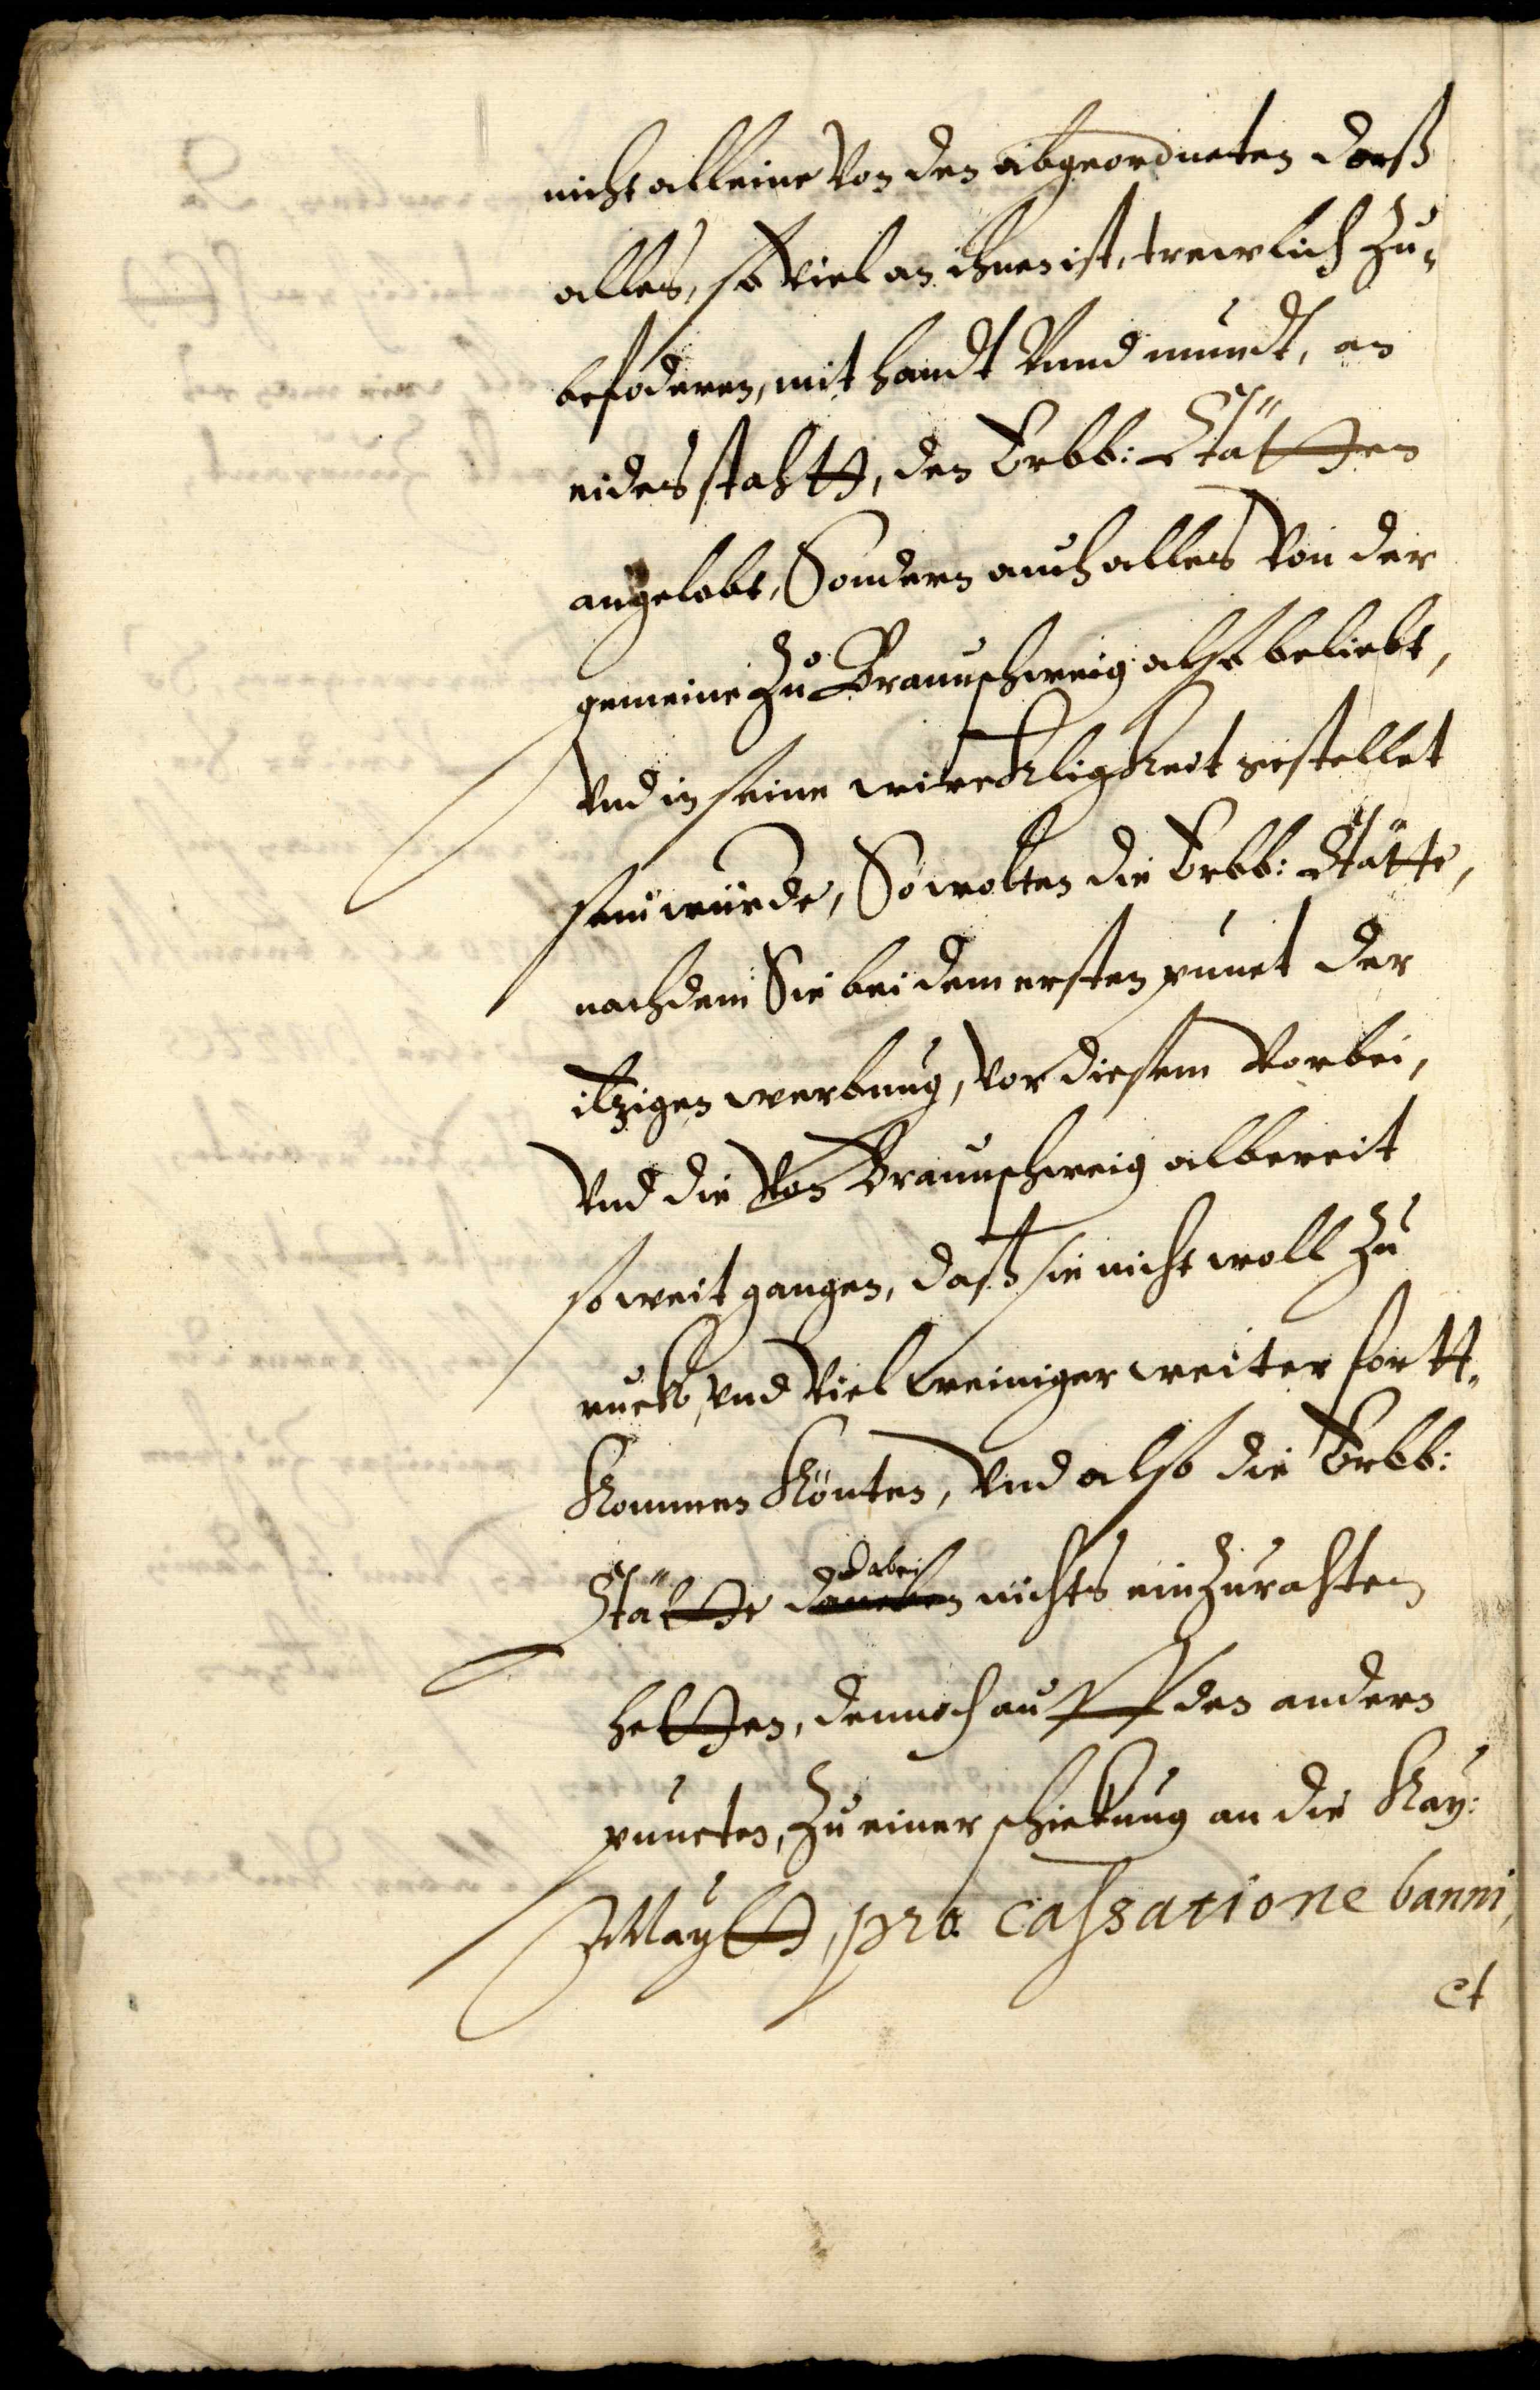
nicht alleine Von den abgeordneten daß
alles, so Viel an ihnen ist, trewlich zu¬
befoderen, mit handt Vnnd mundt, an
eides stahtt, den Erbb: Stätten
angelobt, Sondern auch alles Von der
gemeine zu Braunschweig also beliebt,
Vnd in seine wirckligkeit gestellet
sein würde, So wolten die Erbb: Stätte,
nachdem Sie bei dem ersten punct der
itzigen werbung, Vor diesem Vorbei,
Vnd die Von Braunschweig albereit
so weit gangen, daß sie nicht woll Zu
rück, Vnd Viel weiniger weiter fortt¬
kommen könten, Vnd also die Erbb:
Stätte daneben dabei nichts einzurahten
hetten, dennoch auff den anderen
puncten, Zu einer schickung an die Kay:
Maytt, pro cassatione banni,
et
